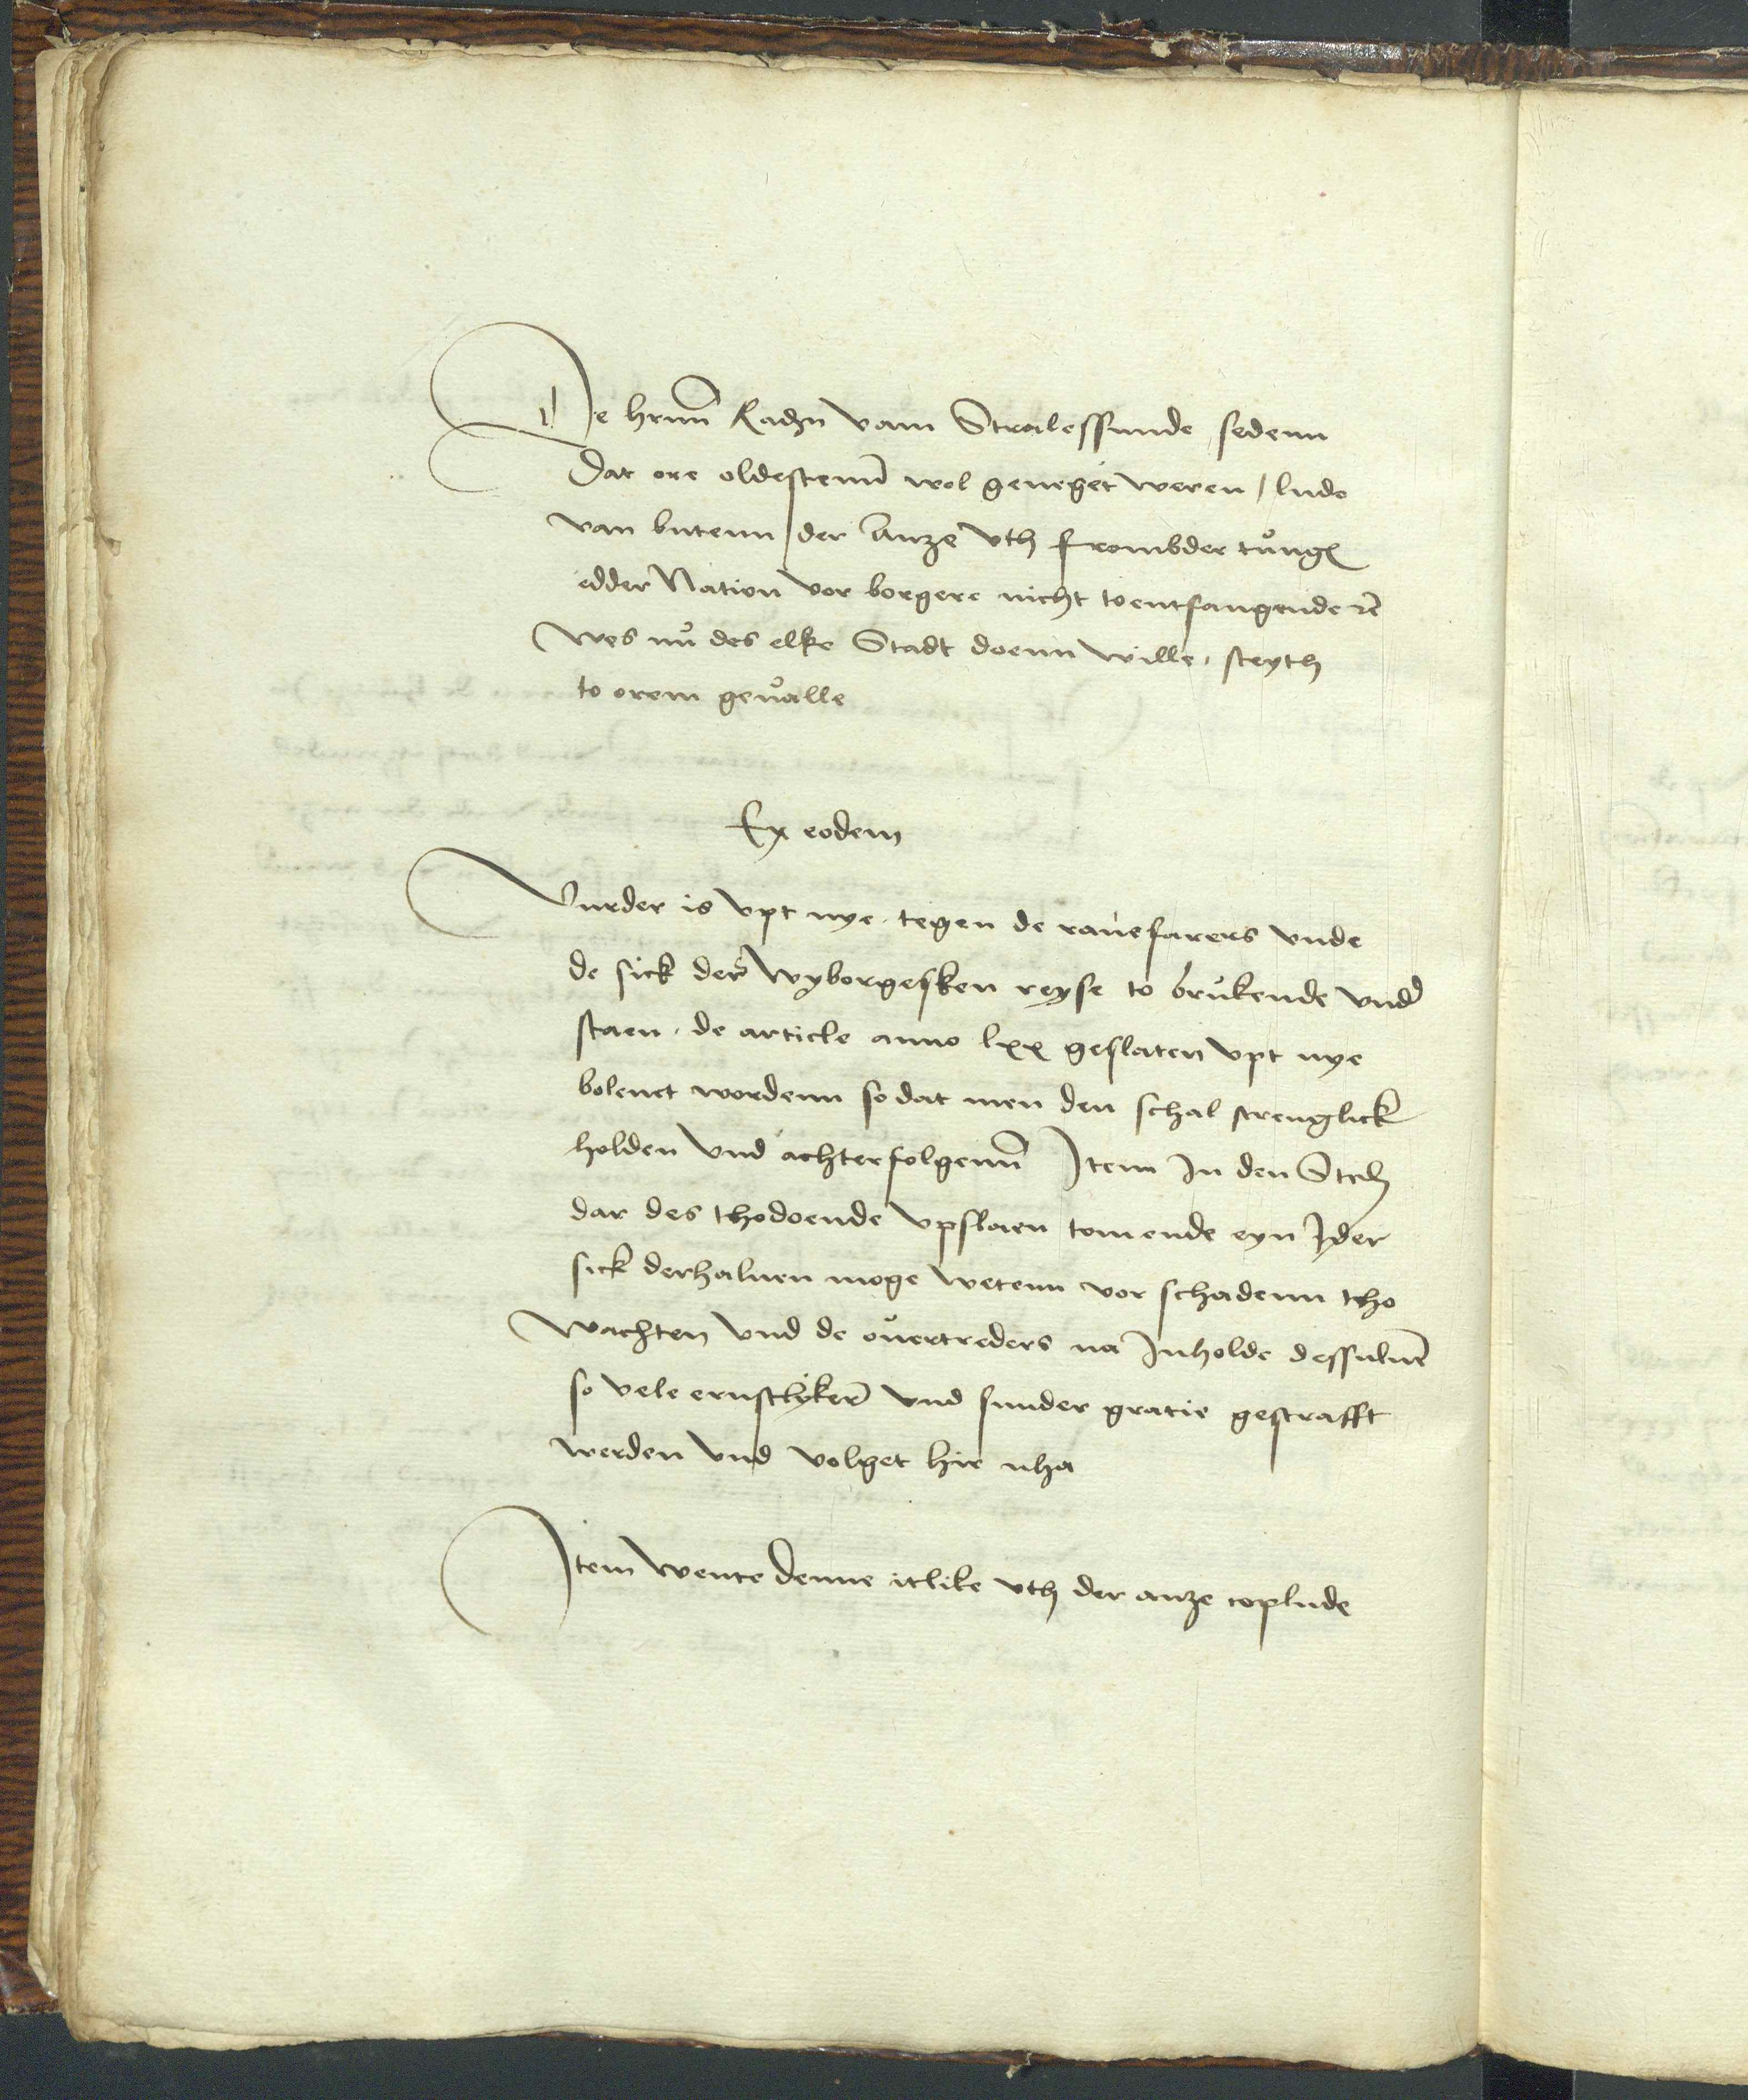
De hernn Radessenddebaden vam Stralessunde sedenn
dat ore oldestenn wol geneget weren, lude
van butenn der Anze uth frombder tungen
edder Nation vor borgere nicht to entfangende etc
wes nu des elke Stadt doenn wille, steyth
to orem geualle
Ex eodem
Vurder is vpt nye tegen de ranefarers vnde
de sick der wyborgesken reyse to brukende vnder¬
staen, de article anno lxx geslaten vpt nye
boleuet wordenn so dat men den schal strenglick
holden vnd achterfolgenn Item Jn den Steden
dar des thodoende vpslaen tomende eyn Jder
sick derhaluen moge wetenn vor schadenn tho
wachten vnd de ouertreders na Jnholde dessuluen
to vele ernstliker vnd sunder gratie gestrafft
werden vnd volget hir nha
Item wente itlike vth der anze coplude
